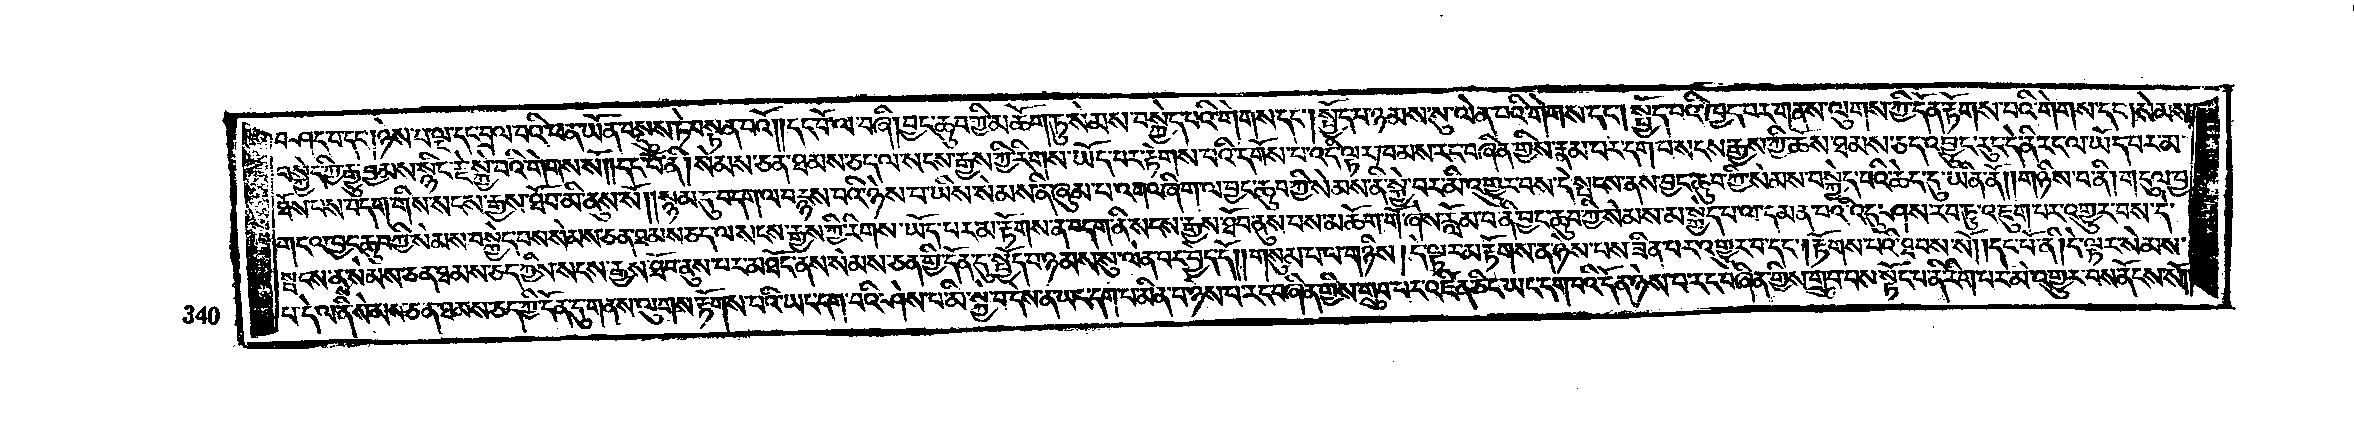བཤད་པ་དང་། ཉེས་པ་ལྔ་དང་བྲལ་བའི་ཕན་ཡོན་བསྡུས་ཏེ་བསྟན་པའོ། །དང་པོ་ལ་བཞི། བྱང་ཆུབ་ཀྱི་མཆོག་ཏུ་སེམས་བསྐྱེད་པའི་གེགས་དང་། སྤྱོད་པ་ཉམས་སུ་ལེན་པའི་གེགས་དང་། སྤྱོད་པའི་ཁྱད་པར་གནས་ལུགས་ཀྱི་དོན་རྟོགས་པའི་གེགས་དང་། སེམས་
བསྐྱེད་ཀྱི་རྒྱུ་བྱམས་སྙིང་རྗེ་སྐྱེ་བའི་གེགས་སོ། །དང་པོ་ནི། སེམས་ཅན་ཐམས་ཅད་ལ་སངས་རྒྱས་ཀྱི་རིགས་ཡོད་པར་རྟོགས་པའི་དགོས་པ་འདི་ལྟར་ཁམས་རང་བཞིན་གྱིས་རྣམ་པར་དག་པ་སངས་རྒྱས་ཀྱི་ཆོས་ཐམས་ཅད་འབྱུང་རུང་དེ་ནི་རང་ལ་ཡོད་པར་མ་
ཐོས་པས་བདག་གིས་སངས་རྒྱས་ཐོབ་མི་ནུས་སོ། །སྙམ་དུ་བདག་ལ་བརྙས་པའི་ཉེས་པ་ཡིས་སེམས་ནི་ཞུམ་པ་འགའ་ཞིག་ལ་བྱང་ཆུབ་ཀྱི་སེམས་ནི་སྐྱེ་བར་མི་འགྱུར་བས་དེ་སྤངས་ནས་བྱང་ཆུབ་ཀྱི་སེམས་བསྐྱེད་པའི་ཆེད་དུ་ཡིན་ནོ། །གཉིས་པ་ནི། གདུལ་བྱ་
གང་ལ་བྱང་ཆུབ་ཀྱི་སེམས་བསྐྱེད་པས་སེམས་ཅན་ཐམས་ཅད་ལ་སངས་རྒྱས་ཀྱི་རིགས་ཡོད་པར་མ་རྟོགས་ན་བདག་ནི་སངས་རྒྱས་ཐོབ་ནུས་པས་མཆོག་གོ་ཞེས་རློམ་པ་ནི་བྱང་ཆུབ་ཀྱི་སེམས་མ་སྐྱེད་པ་ལ་དམན་པའི་འདུ་ཤེས་རབ་ཏུ་འཇུག་པར་འགྱུར་བས་དེ་
སྤངས་ནས་སེམས་ཅན་ཐམས་ཅད་ཀྱིས་སངས་རྒྱས་ཐོབ་ནུས་པར་མཐོང་ནས་སེམས་ཅན་གྱི་དོན་དུ་སྤྱོད་པ་ཉམས་སུ་ལེན་པར་བྱེད་དོ། །གསུམ་པ་ལ་གཉིས། དེ་ལྟར་མ་རྟོགས་ན་ཉེས་པས་ཟིན་པར་འགྱུར་བ་དང་། རྟོགས་པའི་ཐབས་སོ། །དང་པོ་ནི། དེ་ལྟར་སེམས་
པ་དེ་ལ་ནི་སེམས་ཅན་ཐམས་ཅད་ཀྱི་དོན་དུ་གནས་ལུགས་རྟོགས་པའི་ཡང་དག་པའི་ཤེས་པ་མི་སྐྱེ་བ་དེས་ན་ཡང་དག་པ་མིན་པ་ཉེས་པ་རང་བཞིན་གྱིས་གྲུབ་པར་འཛིན་ཅིང་ཡང་དག་པའི་དོན་ཉེས་པ་རང་བཞིན་གྱིས་གྲུབ་པས་སྟོང་པ་ནི་རིག་པར་མི་འགྱུར་བས་ནོངས་སོ། །